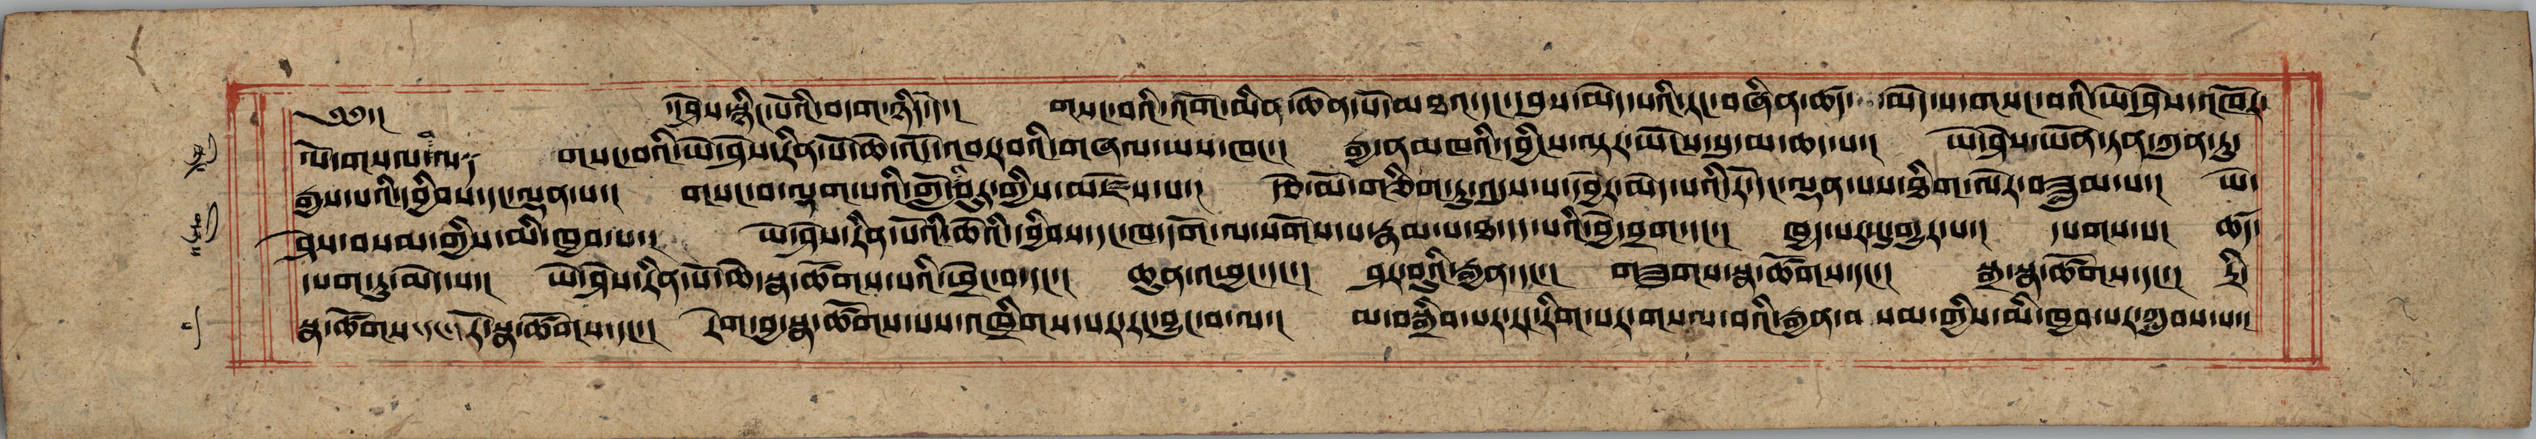༄༅་། ་།ཤེས་སྙིང་པོའི་བདག་ཉིད་དེ་། གསང་བའི་འོག་མིན་ཆེན་པོ་མཐའ་དང་དབུས་མེད་པའི་རང་བཞིན་ཚད་མེད་པ་གསང་བའི་ཡེ་ཤེས་འཁོར་
ལོ་གསལ་ལ༑ གསང་བའི་ཡེ་ཤེས་རིན་པོ་ཆེ་འོད་འབར་བའི་གཞལ་ཡས་ཁང་། རྒྱ་ནམཁའི་དབྱིངས་ལྟར་ཡོངས་སུ་མ་ཆད་པ་། ཡེ་ཤེས་ཡོན་ཏན་ཀུན་ཏུ་
རྒྱས་པའི་དབྱིབས་དང་ལྡན་པ་། གསང་བ་ལྷག་པའི་གློ་བུར་གྱིས་མཛེས་པ་། རྩེ་མོ་གཅིག་ཏུ་འདུས་པ་དབྱེར་མེད་པའི་རོ་དང་ལྡན་པས་ཐིག་ལེར་བཟླུམ་པ་། ཡེ་
ཤེས་བསམ་གྱིས་མི་ཁྱབ་པ་། ཡེ་ཤེས་རིན་པོའི་ཆེའི་དབྱིབས་དང་ཁ་དོག་ལ་སོགས་པ་རྣམ་པ་ཐ་དད་པའི་བྱེ་བྲག་དང་། ཁྱད་པར་དུ་གྱུར་པ་། དཔགས་པ། ཚད་
དཔག་ཏུ་་མེད་པ་། ཡེ་ཤེས་རིན་པོ་ཆེ་སྣ་ཚོགས་པའི་ཕྲེང་བ་དང་། ཆུན་འཕྱང་དང་། ཤར་བུའི་རྒྱན་དང་། གཟུགས་སྣ་ཚོགས་དང་། སྒྲ་སྣ་ཚོགས་དང་། དྲི་
སྣ་ཚོགས་དང་རོ་སྣ་ཚོགས་དང་། རེག་བྱ་སྣ་ཚོགས་པས་འཁྲིགས་པར་རང་བྱུང་བ་ལ་། མ་བསྒྲིབ་པར་རང་རིག་པར་གསལ་བའི་རྒྱན་བསམ་གྱིས་མི་ཁྱབ་པར་ཀླུབས་པ་།